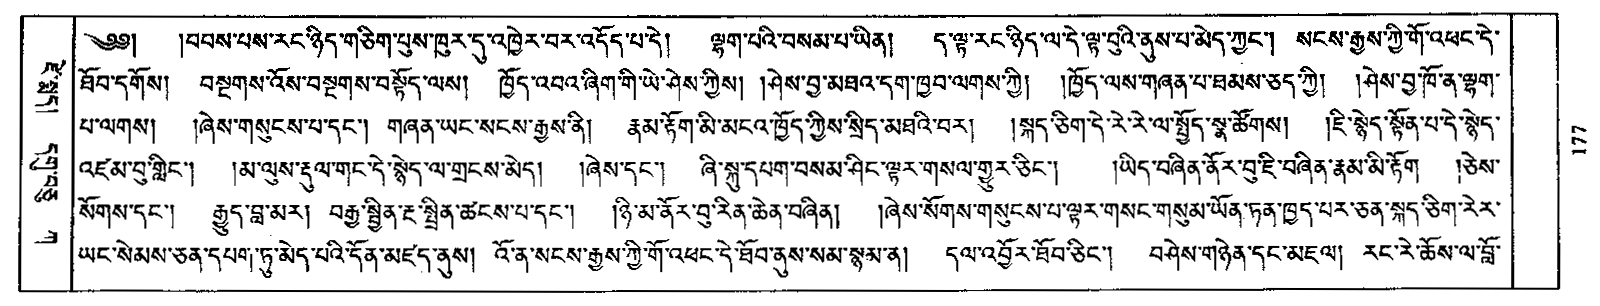༄༅། །བབས་པས་རང་ཉིད་གཅིག་པུས་ཁུར་དུ་འཁྱེར་བར་འདོད་པ་དེ། ལྷག་པའི་བསམ་པ་ཡིན། ད་ལྟ་རང་ཉིད་ལ་དེ་ལྟ་བུའི་ནུས་པ་མེད་ཀྱང་། སངས་རྒྱས་ཀྱི་གོ་འཕང་དེ་
ཐོབ་དགོས། བསྔགས་འོས་བསྔགས་བསྟོད་ལས། ཁྱོད་འབའ་ཞིག་གི་ཡེ་ཤེས་ཀྱིས། །ཤེས་བྱ་མཐའ་དག་ཁྱབ་ལགས་ཀྱི། །ཁྱོད་ལས་གཞན་Qཔ་ཐམས་ཅད་ཀྱི། །ཤེས་བྱ་ཁོ་ན་ལྷག་
པ་ལགས། །ཞེས་གསུངས་པ་དང་། གཞན་ཡང་སངས་རྒྱས་ནི། རྣམ་རྟོག་མི་མངའ་ཁྱོད་ཀྱིས་སྲིད་མཐའི་བར། །སྐད་ཅིག་དེ་རེ་རེ་ལ་སྤྱོད་སྣ་ཚོགས། །ཇི་སྙེད་སྟོན་པ་དེ་སྙེད་
འཛམ་བུ་གླིང་། །མ་ལུས་རྡུལ་གང་དེ་སྙེད་ལ་གྲངས་མེད། །ཞེས་དང་། ཞི་སྐུ་དཔག་བསམ་ཤིང་ལྟར་གསལ་གྱུར་ཅིང་། །ཡིད་བཞིན་ནོར་བུ་ཇི་བཞིན་རྣམ་མི་རྟོག །ཅེས་
སོགས་དང་། རྒྱུད་བླ་མར། བརྒྱ་སྦྱིན་རྔ་སྤྲིན་ཚངས་པ་དང་། །ཉི་མ་ནོར་བུ་རིན་ཆེན་བཞིང་། །ཞེས་སོགས་གསུངས་པ་ལྟར་གསང་གསུམ་ཡོན་ཏན་ཁྱད་པར་ཅན་སྐད་ཅིག་རེར་
ཡང་སེམས་ཅན་དཔག་ཏུ་མེད་པའི་དོན་མཛད་ནུས། འོ་ན་སངས་རྒྱས་ཀྱི་གོ་འཕང་དེ་ཐོབ་ནུས་སམ་སྙམ་ན། དལ་འབྱོར་ཐོབ་ཅིང་། བཤེས་གཉེན་དང་མཇལ། རང་རེ་ཆོས་ལ་བློ་